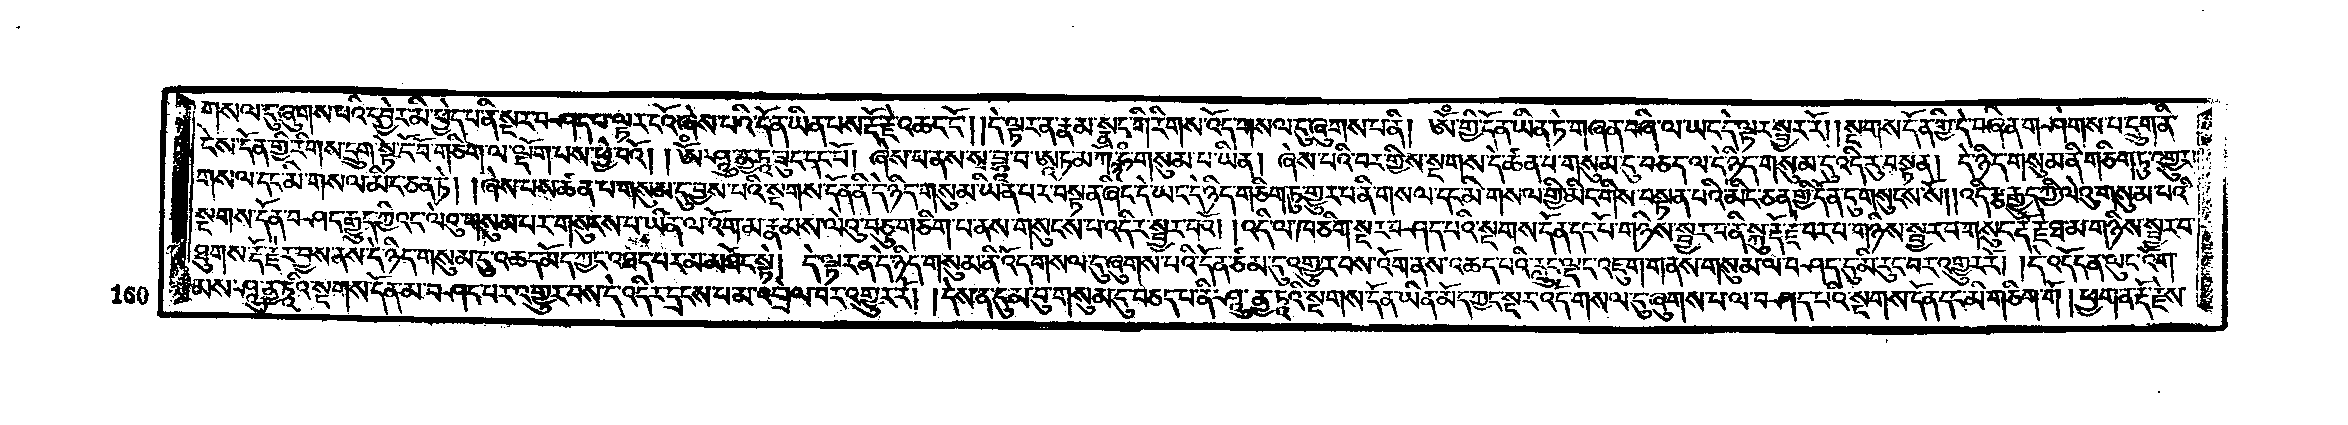གསལ་དུ་ཞུགས་པའི་དབྱེར་མི་ཕྱེད་པ་ནི་སྔར་བཤད་པ་ལྟར་ངའོ་ཞེས་པའི་དོན་ཡིན་པས་རྡོ་རྗེ་འཆང་ངོ། །དེ་ལྟར་ན་རྣམ་སྣང་གི་རིགས་འོད་གསལ་དུ་ཞུགས་པ་ནི། ཨོཾ་གྱི་དོན་ཡིན་ཏེ་གཞན་བཞི་ལ་ཡང་དེ་ལྟར་སྦྱར་རོ། །སྔགས་དོན་གྱི་དེ་བཞིན་གཤེགས་པ་དྲུག་ནི་
ངེས་དོན་གྱི་རིགས་དྲུག་སྟེ་ངོ་བོ་གཅིག་ལ་ལྡོག་པས་ཕྱེ་བའོ། །ཨོཾ་ཤཱུ་ཉ་ཏཱ་ཟུང་དང་པོ། ཞེས་པ་ནས་སྭ་བྷཱ་བ་ཨཱཏ་མ་ཀོ་?་ཧཾ་གསུམ་པ་ཡིན། ཞེས་པའི་བར་གྱིས་སྔགས་དེ་ཚན་པ་གསུམ་དུ་བཅད་ལ་དེ་ཉིད་གསུམ་དུ་འདི་རུ་བསྟན། དེ་ཉིད་གསུམ་ནི་གཅིག་ཏུ་འགྱུར།།
གསལ་དང་མི་གསལ་མིང་ཅན་ཏེ། །ཞེས་པས་ཚན་པ་གསུམ་དུ་བྱས་པའི་སྔགས་དོན་ནི་དེ་ཉིད་གསུམ་ཡིན་པར་བསྟན་ཞིང་དེ་ཡང་དེ་ཉིད་གཅིག་ཏུ་གྱུར་པ་ནི་གསལ་དང་མི་གསལ་གྱི་མིང་གིས་བསྟན་པའི་མིང་ཅན་གྱི་དོན་དུ་གསུངས་སོ། །འདི་རྩ་རྒྱུད་ཀྱི་ལེའུ་གསུམ་པའི་
སྔགས་དོན་བཤད་རྒྱུད་ཀྱིའང་ལེའུ་གསུམ་པར་གསུངས་པ་ཡིན་ལ་འོག་མ་རྣམས་ལེའུ་བཅུ་གཅིག་པ་ནས་གསུངས་པ་འདིར་སྦྱར་བའོ། འདི་ལ་ཁ་ཅིག་སྔར་བཤད་པའི་སྔགས་དོན་དང་པོ་གཉིས་སྦྱར་བ་ནི་སྐུ་རྡོ་རྗེ་བར་པ་གཉིས་སྦྱར་བ་གསུང་རྡོ་རྗེ་ཐ་མ་གཉིས་སྦྱར་བ་
ཐུགས་རྡོ་རྗེར་བྱས་ནས་དེ་ཉིད་གསུམ་དུ་འཆད་མོད་ཀྱང་འཐད་པར་མ་མཐོང་སྟེ། དེ་ལྟར་ན་དེ་ཉིད་གསུམ་ནི་འོད་གསལ་དུ་ཞུགས་པའི་དོན་ཙམ་དུ་འགྱུར་བས་འོག་ནས་འཆད་པའི་རླུང་ལྡང་འཇུག་གནས་གསུམ་ལ་བཤད་དུ་མི་རུང་བར་འགྱུར་རོ། །དེ་འདོད་ན་ལུང་འོག་
མས་ཤཱུ་ཉ་ཏཱའི་སྔགས་དོན་མ་བཤད་པར་འགྱུར་བས་དེ་འདིར་དྲངས་པ་མ་འབྲེལ་བར་འགྱུར་རོ། །དེས་ན་དུམ་བུ་གསུམ་དུ་བཅད་པ་ནི་ཤཱུ་ཉ་ཏཱི་སྔགས་དོན་ཡིན་མོད་ཀྱང་སྔར་འོད་གསལ་དུ་ཞུགས་པ་ལ་བཤད་པའི་སྔགས་དོན་དང་མི་གཅིག་གོ། ཕྱག་ན་རྡོ་རྗེས་